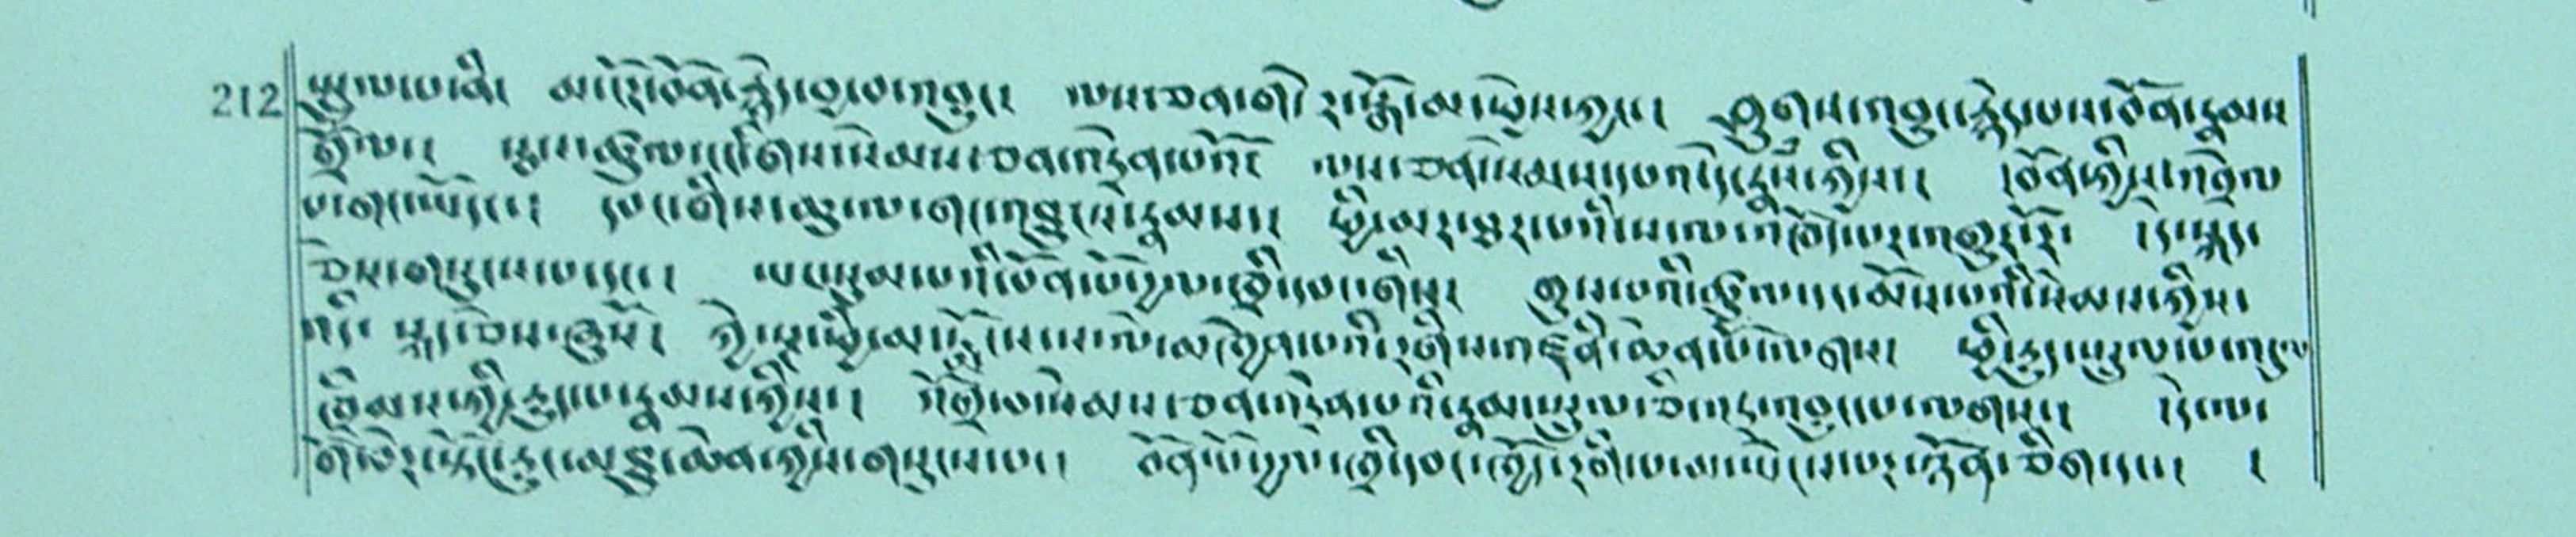སྤྲུལ་པ་ནི། མ་ངོར་བོན་རྙེད་བྱ་བ་འབྱུང་། ལས་ཅན་གཏེར་སྒོ་མ་ཕྱེས་ཀྱང་། ཤུགས་འབྱུང་སྙེད་པའི་བོན་རྣམས་
གྲོལ། སྦས་ཚུལ་ངང་གིས་སེམས་ཅན་འདྲེན་པའོ། ལས་ཅན་སེམས་དཔའ་དེ་རྣམས་ཀྱིས། བོན་གྱི་འབྲེལ་
བ་གང་ཡོད་དང་། དབང་གིས་ཆུ་ལ་གང་འཐུངས་རྣམས། ཕྱི་མར་ཐར་བའི་ས་ལ་འཁོད་པར་འགྱུར་རོ། །དེ་སྐད་
ཅེས་གསུངས་པ་དང་། ཡང་སུམ་པའི་བོན་པོ་རྒྱལ་ཁྲི་དབང་གིས། གུས་པའི་ཚུལ་དང་མོས་པའི་སེམས་ཀྱིས་
འདི་སྐད་ཅེས་ཞུས་སོ། །ཚེ་སྔ་ཕྱི་མ་རྨོངས་ས་ལེ་མཁྱེན་པའི་རིགས་འཛིན་ཆེན་པོ་ལགས། ཕྱི་རྒྱུད་སྤྲུལ་པ་འདུལ་
ཁྲིམས་ཀྱི་བརྒྱུད་པ་རྣམས་ཀྱིས། འགྲོ་བ་སེམས་ཅན་འདྲེན་པའི་རྣམ་སྤྲུལ་ཅི་འདྲ་འབྱུང་བ་ལགས། དེ་ལ་
གོ་བེར་སྟོང་རྒྱུང་མཐུ་ཆེན་གྱིས་གསུངས་པ། བོན་པོ་རྒྱལ་ཁྲི་དབང་ཁྱོད་རིག་པ་མ་ཡེངས་པར་ཉོན་ཅིག་དང་།